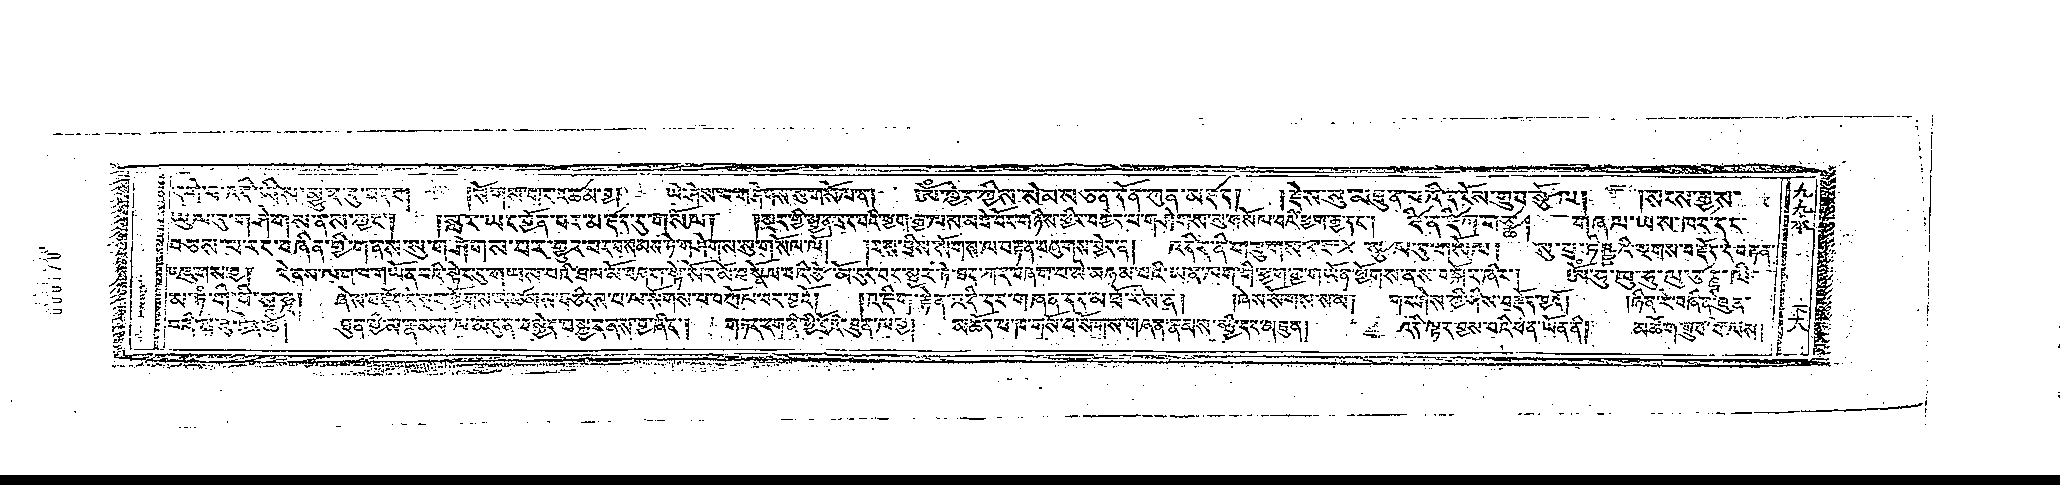དགེ་བ་འདི་ཡིས་མྱུར་དུ་བདག །སོགས་གང་འཚམ་བྱ། ཡེ་ཤེས་པ་གཤེགས་སུ་གསོལ་ན། ཨོཾ་ཁྱེད་ཀྱིས་སེམས་ཅན་དོན་ཀུན་མཛད། །རྗེས་སུ་མཐུན་པའི་དངོས་གྲུབ་སྩོལ། །སངས་རྒྱས་
ཡུལ་དུ་གཤེགས་ནས་ཀྱང་། །སླར་ཡང་བྱོན་པར་མཛད་དུ་གསོལ། །སྔར་གྱི་སྤྱན་དྲང་བའི་ཕྱག་རྒྱ་ལས་མཐེ་བོང་གཉིས་ཕྱིར་བཀྱེད་པ་གཤེགས་སུ་གསོལ་བའི་ཕྱག་རྒྱ་དང་། ཛི་ན་ཛི་ཀ་གཙྪ། གཞལ་ཡས་ཁང་དང་
བཅས་པ་རང་བཞིན་གྱི་གནས་སུ་གཤེགས་པར་གྱུར་པར་བསམས་ཏེ་གཤེགས་སུ་གསོལ་ལོ། །རས་བྲིས་སོགས་ལ་བརྟན་བཞུགས་བྱེད་ན། འདིར་ནི་གཟུགས་དང་྾་སྩལ་དུ་གསོལ། སུ་པྲ་ཏིཥཱའི་སྔགས་བརྗོད་དེ་བརྟན་
བཞུགས་བྱ། དེ་ནས་ལག་བ་གཡོན་པའི་སྟེང་དུ་གཡས་པའི་ཐལ་མོ་བཞག་སྟེ་སོར་མོ་བསྣོལ་བའི་རྩེ་མོ་དྲུང་བར་སྦྱར་ཏེ་ཐང་ཀར་བཞག་པ་མི་མཉམ་པའི་ཡན་ལག་གི་ཕྱག་རྒྱ་གཡོན་ཕྱོགས་ནས་བསྐོར་ཞིང་། ཨོཾ་ཧུ་ལུ་ཧུ་ལུ་ཙཎྚ་ལི་
མ་ཏི་གི་བི་སྭཱ་ཧཱ། ཞེས་བརྗོད་དེ་སྔར་ཕྱོགས་མཚམས་བཅིངས་པ་ལ་སོགས་པ་བཀྲོལ་བར་བྱའོ་།།འཇིག་རྟེན་འདི་དང་གཞན་དང་མཐོ་རིས་ན། །ཞེས་སོགས་སམ། གང་ཤེས་ཀྱི་ཤིས་བརྗོད་བྱའོ། །ཉིན་རེ་བཞིན་ཐུན་
བའི་ལྟ་བུ་བྱེད་ཆེ། ཐུན་ཕྱི་མ་རྣམས་ལ་མདུན་བསྐྱེད་བསྐྱར་ནས་བྱ་ཞིང་། གཏང་རག་ནི་ཕྱི་དྲོའི་ཐུན་ལ་བྱ། མཆོད་པ་ཁ་གསོ་བསགས་གཞན་རྣམས་སྤྱི་དང་མཐུན། འདྲི་ལྟར་བྱས་པའི་ཕན་ཡོན་ནི། མཆོག་གྲུབ་མ་ལས།